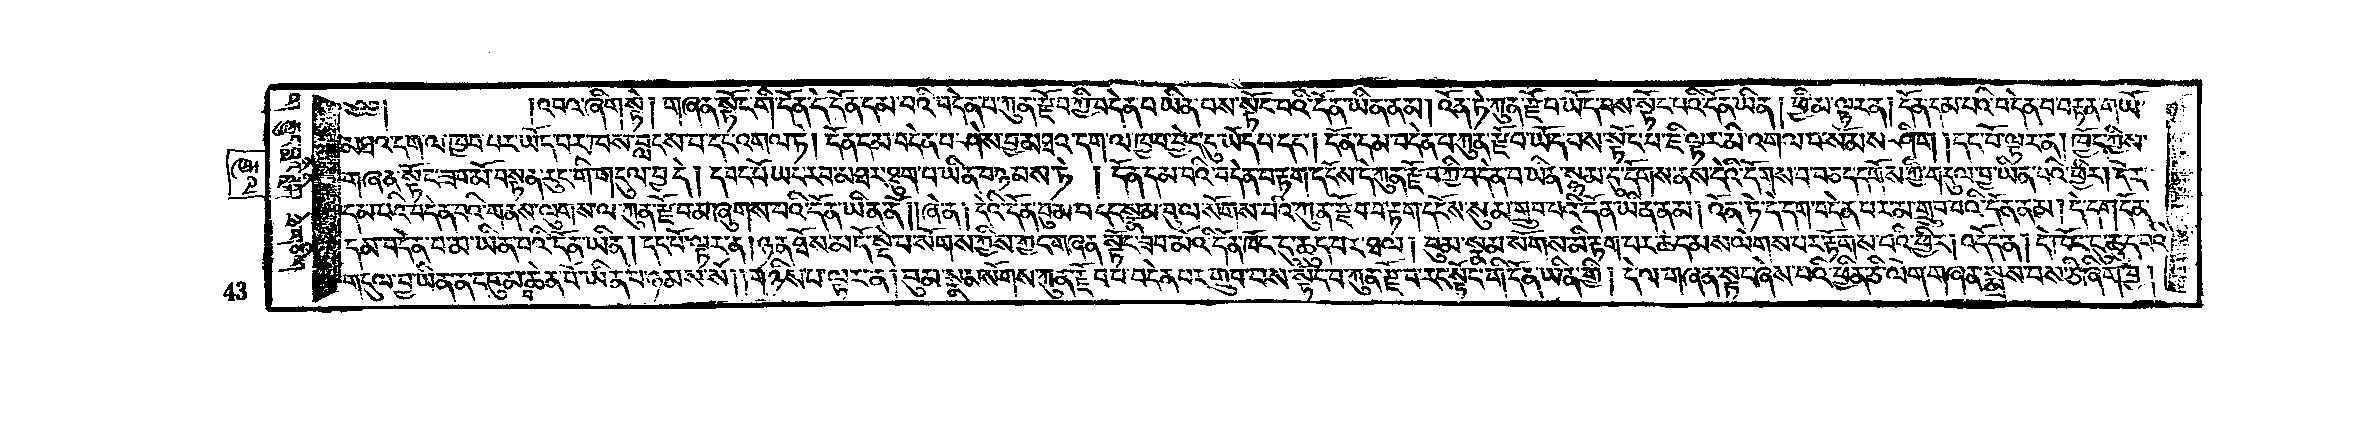༄༅། །འབའ་ཞིག་སྟེ། གཞན་སྟོང་གི་དོན་དེ་དོན་དམ་པའི་བདེན་པ་ཀུན་རྫོབ་ཀྱི་བདེན་པ་ཡིན་པས་སྟོང་པའི་དོན་ཡིན་ནམ། འོན་ཏེ་ཀུན་རྫོབ་ཡོད་པས་སྟོང་པའི་དོན་ཡིན། ཕྱི་མ་ལྟར་ན། དོན་དམ་པའི་བདེན་པ་བརྟན་གཡོ་
མཐའ་དག་ལ་ཁྱབ་པར་ཡོད་པར་ཁས་བླངས་པ་དང་འགལ་ཏེ། དོན་དམ་བདེན་པ་ཤེས་བྱ་མཐའ་དག་ལ་ཁྱབ་བྱེད་དུ་ཡོད་པ་དང་། དོན་དམ་བདེན་པ་ཀུན་རྫོབ་ཡོད་པས་སྟོང་པ་ཇི་ལྟར་མི་འགལ་བ་སོམས་ཤིག །དང་པོ་ལྟར་ན། ཁྱོད་ཀྱིས་
གཞན་སྟོང་ཟབ་མོ་བསྟན་རུང་གི་གདུལ་བྱ་དེ། དབང་པོ་ཡང་རབ་མཐར་ཐུག་པ་ཡིན་པ་ཉམས་ཏེ། དོན་དམ་པའི་བདེན་པ་རྟག་དངོས་དེ་ཀུན་རྫོབ་ཀྱི་བདེན་པ་ཡིན་སྙམ་དུ་དོགས་ནས་དེའི་དོགས་པ་བཅད་དགོས་ཀྱི་གདུལ་བྱ་ཡིན་པའི་ཕྱིར། དོན་
དམ་པའི་བདེན་པའི་གནས་ལུགས་ལ་ཀུན་རྫོབ་མ་ཞུགས་པའི་དོན་ཡིན་ནོ། །ཞེ་ན། དེའི་དོན་བུམ་པ་དང་སྣམ་བུ་ལ་སོགས་པའི་ཀུན་རྫོབ་པ་རྟག་དངོས་སུམ་གྲུབ་པའི་དོན་ཡིན་ནམ། འོ་ན་ཏེ་དེ་དག་བདེན་པར་མ་གྲུབ་པའི་དོན་ནམ། དེ་དག་དོན་
དམ་བདེན་པ་མ་ཡིན་པའི་དོན་ཡིན། དང་པོ་ལྟར་ན། ཉན་ཐོས་མདོ་སྡེ་པ་སོགས་ཀྱིས་ཀྱང་གཞན་སྟོང་ཟབ་མོའི་དོན་ཁོང་དུ་ཆུད་པར་ཐལ། བུམ་སྣམ་སོགས་མི་རྟག་པར་ཚད་མས་ལེགས་པར་རྟོགས་པའི་ཕྱིར། འདོད་ན། དེ་ཁོང་དུ་ཆུད་པའི་
གདུལ་བྱ་ཡིན་ན་དབུ་མ་པ་ཆེན་པོ་ཡིན་པ་ཉམས་སོ། །གཉིས་པ་ལྟར་ན། བུམ་སྣམ་སོགས་ཀུན་རྫོབ་པ་བདེན་པར་གྲུབ་པས་སྟོང་པ་ཀུན་རྫོབ་རང་སྟོང་གི་དོན་ཡིན་གྱི། དེ་ལ་གཞན་སྟང་ཞེས་པའི་ཕྱིན་ཅི་ལོག་གཞན་སྨྲས་པས་ཅི་ཞིག་བྱ།